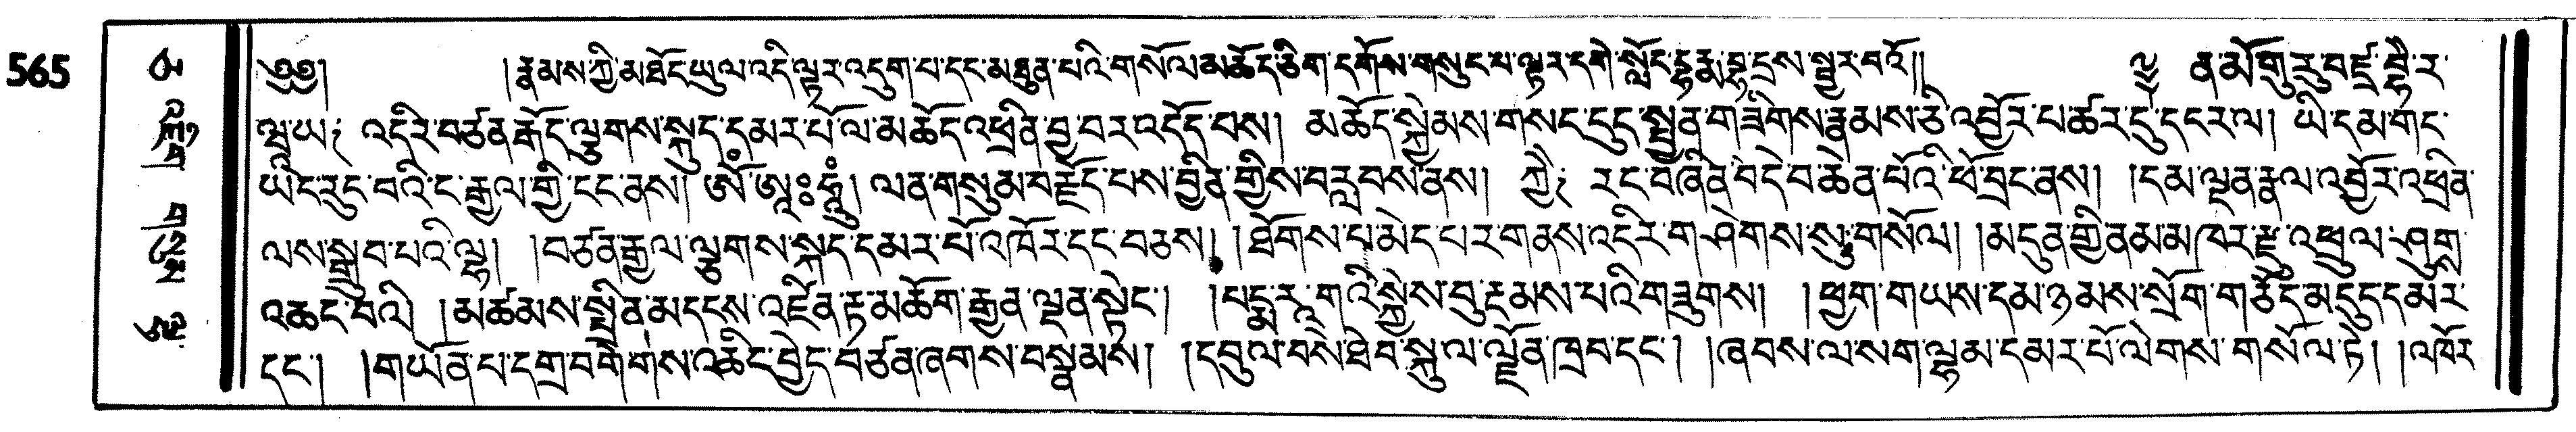༄༅། །རྣམས་ཀྱི་མཐོང་ཡུལ་འདི་ལྟར་འདུག་པ་དང་མཐུན་པའི་གསོལ་མཆོད་ཅིག་དགོས་གསུང་པ་ལྟར་དགེ་སློང་དྷརྨ་བྷ་དྲས་སྦྱར་བའོ།། འ་ན་མོ་གུ་རུ་བཛྲ་བྷཻ་ར་
ཝཱ་ཡ༑ འདིར་བཙན་རྒོད་ལྕགས་སྐད་དམར་པོ་ལ་མཆོད་འཕྲིན་བྱ་བར་འདོད་པས། མཆོད་སྐྱེམས་གསང་དུད་སྤྱན་གཟིགས་རྣམས་ཅི་འབྱོར་པ་ཚར་དུ་དངར་ལ། ཡི་དམ་གང་
ཡང་རུང་བའི་ང་རྒྱལ་གྱི་ངང་ནས། ཨོཾ་ཨཱཿཧཱུཾ། ལན་གསུམ་བརྗོད་པས་བྱིན་གྱིས་བརླབས་ནས། ཀྱཻ༑ རང་བཞིན་བདེ་བ་ཆེན་པོའི་ཕོ་བྲང་ནས། །དམ་ལྡན་རྣལ་འབྱོར་འཕྲིན་
ལས་སྒྲུབ་པའི་ལྷ། །བཙན་རྒྱལ་ལྕགས་སྐད་དམར་པོ་འཁོར་དང་བཅས། །ཐོགས་པ་མེད་པར་གནས་འདིར་གཤེགས་སུ་གསོལ། །མདུན་གྱི་ནམ་མཁར་རྫུ་འཕྲུལ་ཤུགས་
འཆང་བའི། །མཚམས་སྤྲིན་མདངས་འཛིན་རྟ་མཆོག་རྒྱན་ལྡན་སྟེང་། །པདམ་རཱ་གའི་སྐྱེས་བུ་རྔམས་པའི་གཟུགས། །ཕྱག་གཡས་དམ་ཉམས་སྲོག་གཅོད་མ་དུད་དམར་
དང་། །གཡོན་པ་དགྲ་བ་གེགས་འཆིང་བྱེད་བཙན་ཞགས་བསྣམས། །དབུལ་བསེ་ཐེབ་སྐུ་ལ་ལྗོན་ཁྲབ་དང་། །ཞབས་ལ་སག་ལྷམ་དམར་པོ་ལེགས་གསོལ་ཏེ། །འཁོར་